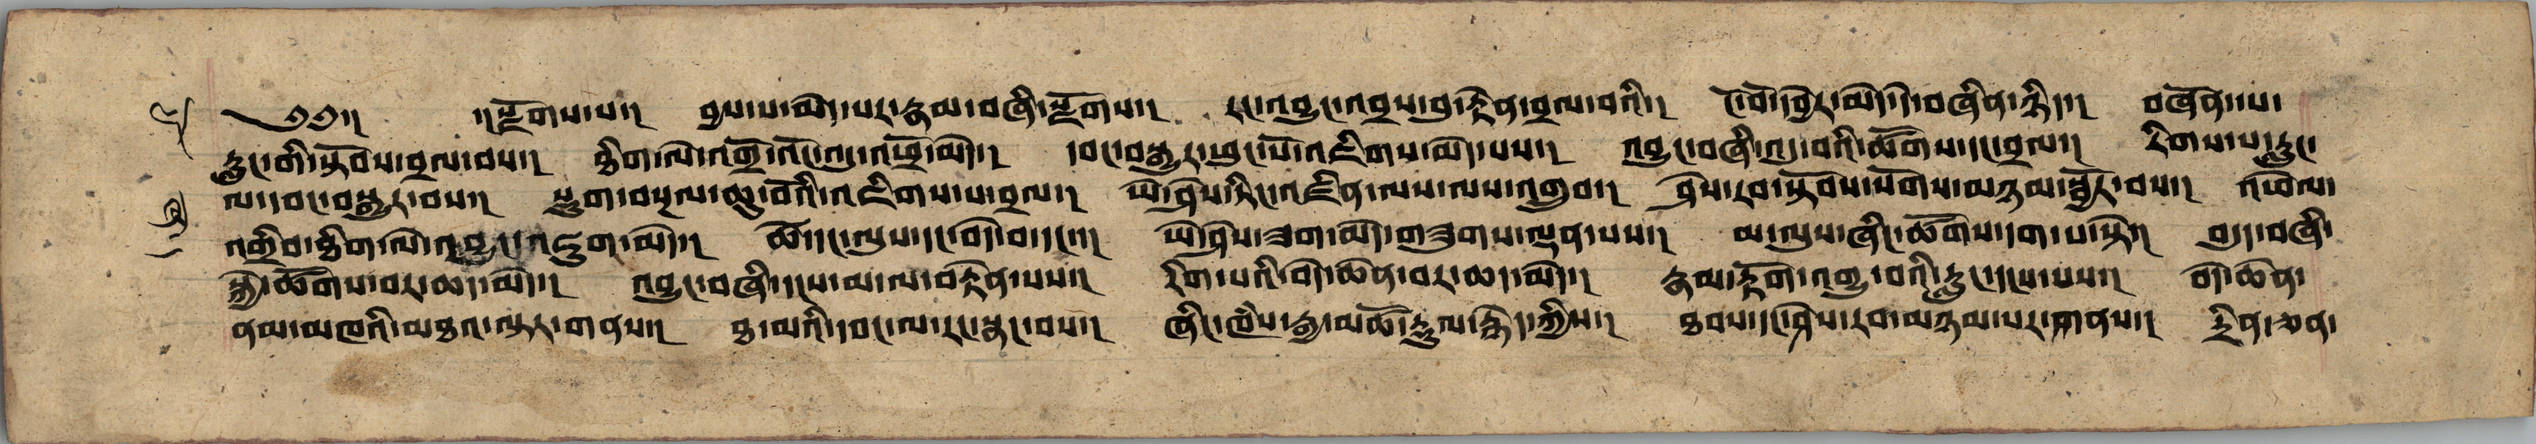༄༅་། ་།སྫོགས་པ་། བྱས་པ་མེད་པར་རྣམ་བཞི་སྫོགས་། རང་འབྱུང་འབྲས་བུ་རྟེན་བྲལ་བའི་། ངོ་བོ་དབྱེར་མེད་དེ་བཞིན་ཉིད་། བཞོན་་པ་
རླུང་གི་སྟོབས་བྲལ་བས་། ཐིག་ལེ་འགྲོ་འོང་འདུ་འཕྲོ་མེད་། དབང་བསྒྱུར་ཕུང་པོ་འཇིགས་མེད་པས་། འབྱུང་བཞི་འདུ་བའི་ཚོགས་དང་བྲལ་། རིགས་པ་རླུང་
ལ་དབང་བསྒྱུར་བས་། སྡུག་བསྔལ་ཆུ་བོའི་འཇིགས་པ་བྲལ་། ཡེ་ཤེས་ཏིང་འཛིན་ལས་ལས་འགྲུབ་། ཤེས་རབ་སྟོབས་སོགས་མཉམ་སྦྱོར་བས་། འཕེལ་
འགྲིབ་ཐིག་ལེ་འབྱུང་འཇུག་མེད་། ཚེ་དང་ལུས་དང་བདེ་བ་དང་་། ཡེ་ཤེས་ཟག་མེད་གཟུགས་ལྡན་པས་། མ་ལུས་ཞིང་ཚོགས་དག་པ་སྟེ་། བདུད་བཞི་
སྐྱེ་ཚོགས་བར་ཆད་མདེ་། འབྱུང་བཞི་དངས་མ་ལ་བརྟེན་པས་། རིག་པའི་བདེ་ཆེན་བར་ཆད་མེད་། རྣམ་རྟོག་འགྱུ་བའི་རླུང་དངས་པས་། བདེ་ཆེན་
ནམ་མཁའི་མཐའ་ལྟར་གནས་། ཐ་མའི་དབང་ལ་རང་སྣང་བས་། ཞིང་ཁཾས་རྒྱ་མཚོ་རྡུལ་རྙེད་ཀྱིས་། ཐབས་དང་ཤེས་རབ་མཉམ་པར་གནས་། དྲིན་ཅན་